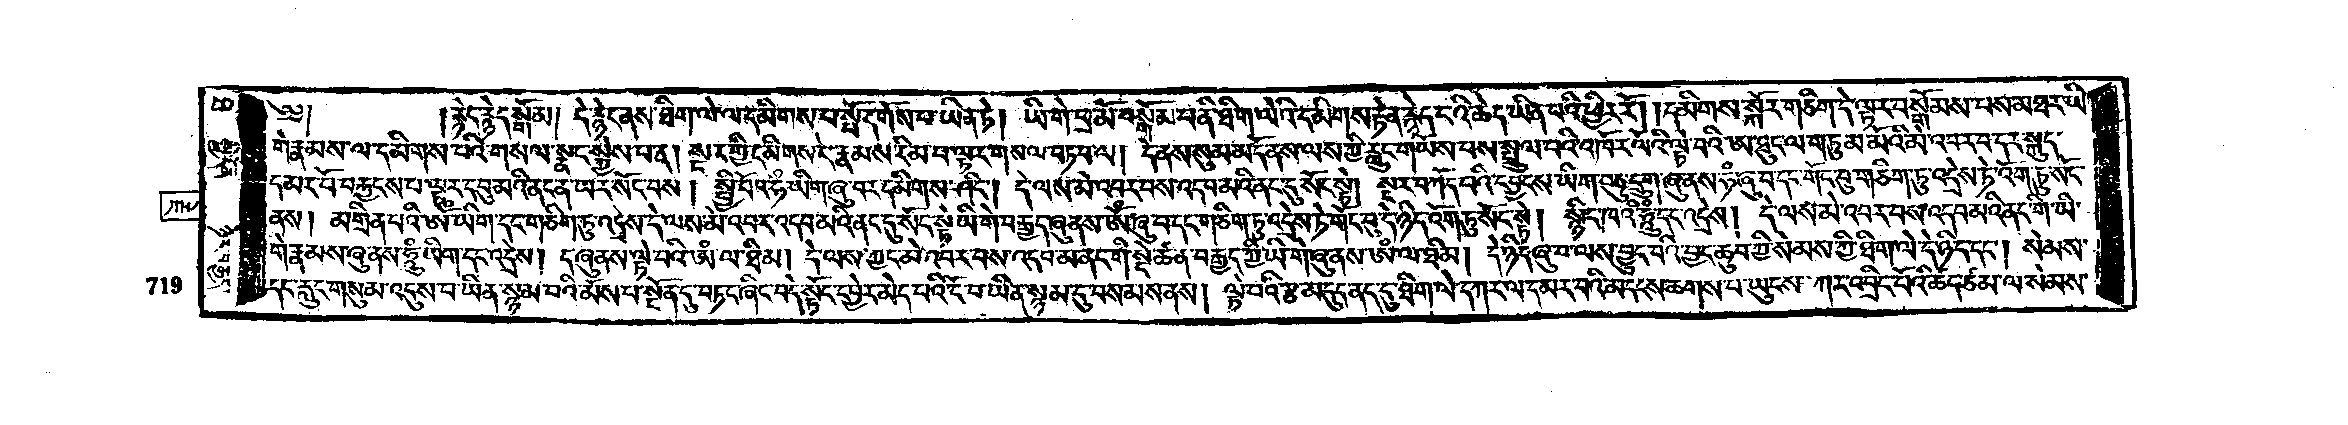༄༅། །རྙེད་རྙེད་སྒོམ། དེ་རྙེད་ནས་ཐིག་ལེ་ལ་དམིགས་པ་སྤོ་དགོས་པ་ཡིན་ཏེ། ཡི་གེ་ཕྲ་མོ་བསྒོམ་པ་ནི་ཐིག་ལེའི་དམིགས་རྟེན་རྙེད་པའི་ཆེད་ཡིན་པའི་ཕྱིར་རོ། །དམིགས་སྐོར་གཅིག་དེ་ལྟར་བསྒོམས་པས་མཐར་ཡི་
གེ་རྣམས་ལ་དམིགས་པའི་གསལ་སྣང་སྐྱེས་པ་ན། སྔར་གྱི་དམིགས་པ་རྣམས་རིམ་པ་ལྟར་གསལ་བཏབ་ལ། དེ་ནས་སུམ་མདོ་ནས་ལས་ཀྱི་རླུང་གཡོས་པས་སྤྲུལ་པའི་འཁོར་ལོའི་ལྟེ་བའི་ཨ་ཐུང་ལ་གཏུམ་མོའི་མེ་འབར་བ་དར་སྐུད་
དམར་པོ་བརྐྱངས་པ་ལྟར་དབུ་མའི་ནང་ན་ཡར་སོང་བས། སྤྱི་བོའི་ཧཾ་ཡིག་ཞུ་བར་དམིགས་ཤིང་། དེ་ལས་མེ་འབར་བས་འདབ་མའི་ནང་དུ་སོང་སྟེ། སྔར་བཀོད་པའི་དབྱངས་ཡིག་བཅུ་དྲུག་ཞུ་ནས་ཧཾ་ཞུ་བ་དང་གོང་བུ་གཅིག་ཏུ་འདྲེས་ཏེ་འོག་ཏུ་སོང་
ནས། མགྲིན་པའི་ཨོཾ་ཡིག་དང་གཅིག་ཏུ་འདྲེས་དེ་ལས་མེ་འབར་འདབ་མའི་ནང་དུ་སོང་སྟེ་ཡི་གེ་བརྒྱད་ཞུ་ནས་ཨོཾ་ཞུ་བ་དང་གཅིག་ཏུ་འདྲེས་ཏེ་གོང་བུ་དེ་ཉིད་འོག་ཏུ་སོང་སྟེ། སྙིང་ཁའི་ཧཱུཾ་དང་འདྲེས། དེ་ལས་མེ་འབར་བས་འདབ་མའི་ནང་གི་ཡི་
གེ་རྣམས་ཞུ་ནས་ཧཱུཾ་ཡིག་དང་འདྲེས། དེ་ཞུ་ནས་ལྟེ་བའི་ཨཾ་ལ་ཐིམ། དེ་ལས་ཀྱང་མེ་འབར་བས་འདབ་མ་ནང་གེ་སྡེ་ཚན་བརྒྱད་ཀྱི་ཡི་གེ་ཞུ་ནས་ཨཾ་ལ་ཐིམ། དེ་ཉིད་ཞུ་བ་ལས་བྱུང་བའི་བྱང་ཆུབ་ཀྱི་སེམས་ཀྱི་ཐིག་ལེ་དེ་ཉིད་དང་། སེམས་
དང་རླུང་གསུམ་འདུས་པ་ཡིན་སྙམ་པའི་མོས་པ་སྔོན་དུ་བཏང་ཞིང་བདེ་སྟོང་དབྱེར་མེད་པའི་ངོ་བ་ཡིན་སྙམ་དུ་བསམས་ནས། ལྟེ་བའི་རྩ་མདུད་ནང་དུ་ཐིག་ལེ་དཀར་ལ་དམར་བའི་མདངས་ཆགས་པ་ཡུངས་ཀར་འབྲིང་པོའི་ཚད་ཙམ་ལ་སེམས་